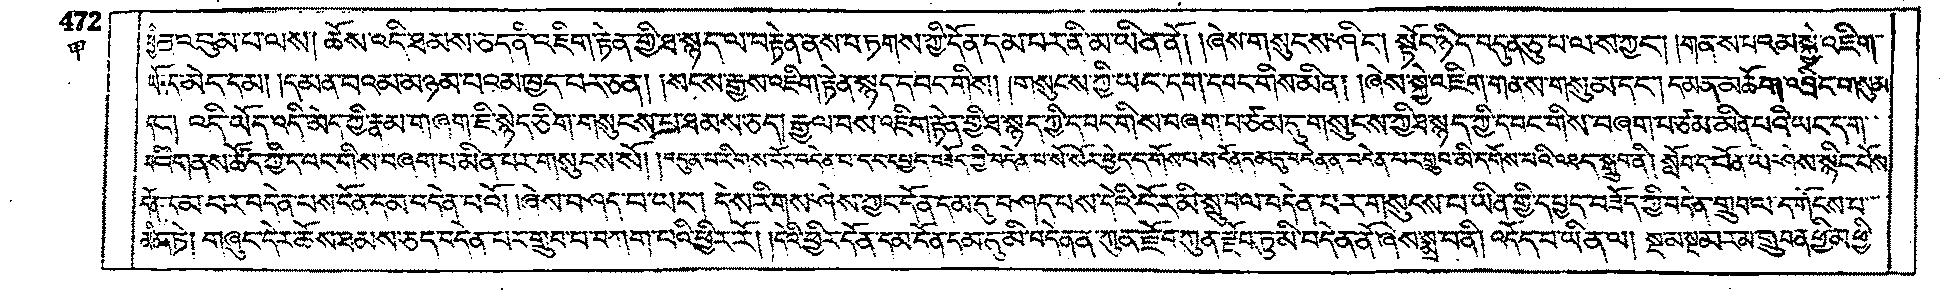ཕྱིན་འབུམ་པ་ལས། ཆོས་འདི་ཐམས་ཅད་ནི་འཇིག་རྟེན་གྱི་ཐ་སྙད་ལ་བརྟེན་ནས་བཏགས་ཀྱི་དོན་དམ་པར་ནི་མ་ཡིན་ནོ། །ཞེས་གསུངས་ཤིང་། སྟོང་ཉིད་བདུན་ཅུ་པ་ལས་ཀྱང་། །གནས་པའམ་སྐྱེ་འཇིག་
ཡོད་མེད་དམ། །དམན་པའམ་མཉམ་པའམ་ཁྱད་པར་ཅན། །སངས་རྒྱས་འཇིག་རྟེན་སྙད་དབང་གིས། །གསུངས་ཀྱི་ཡང་དག་དབང་གིས་མིན། །ཞེས་སྐྱེ་འཇིག་གནས་གསུམ་དང་། དམན་མཆོག་འབྲིང་གསུམ་
དང་། འདི་ཡོད་འདི་མེད་ཀྱི་རྣམ་གཞག་ཇི་སྙེད་ཅིག་གསུངས་པ་ཐམས་ཅད། རྒྱལ་བས་འཇིག་རྟེན་གྱི་ཐ་སྙད་ཀྱི་དབང་གི་བཞག་པ་ཙམ་དུ་གསུངས་ཀྱི་ཐ་སྙད་ཀྱི་དབང་གིས་བཞག་པ་ཙམ་མིན་པའི་ཡང་དག་
པའི་གནས་ཚོད་ཀྱི་དབང་གིས་བཞག་པ་མིན་པར་གསུངས་སོ། །བདུན་པ་རིགས་ངོར་བདེན་པ་དང་དཔྱད་བཟོད་ཀྱི་བདེན་པ་སོ་སོར་ཕྱེད་དགོས་པས་དོན་དམ་དུ་བདེན་ན་བདེན་པར་གྲུབ་མི་དོགས་པའི་འཐད་སྒྲུབ་ནི།  སློབ་དཔོན་ཡེ་ཤེས་སྙིང་པོས་
དོན་དམ་བར་བདེན་པས་དོན་དམ་བདེན་པའོ། །ཞེས་བཤད་པ་ཡང་། དེས་རིགས་ཤེས་ཀྱང་དོན་དམ་དུ་བཤད་པས་དེའི་ངོར་མི་སླུ་བ་ལ་བདེན་པར་གསུངས་པ་ཡིན་གྱི་དཔྱད་བཟོད་ཀྱི་བདེན་གྲུབ་པ་ལ་དགོངས་པ་
མིན་ཏེ། གཞུང་དེར་ཆོས་ཐམས་ཅད་བདེན་པར་གྲུབ་པ་བཀག་པའི་ཕྱིར་རོ། །དེའི་ཕྱིར་དོན་དམ་དོན་དམ་དུ་མི་བདེན་ན་ཀུན་རྫོབ་ཀུན་རྫོབ་ཏུ་མི་བདེན་ནོ་ཞེས་སྨྲ་བ་ནི། འདོད་པ་ཡིན་ལ། སྔ་མ་སྔ་མར་གྲུབ་ན་ཕྱི་མ་ཕྱི་